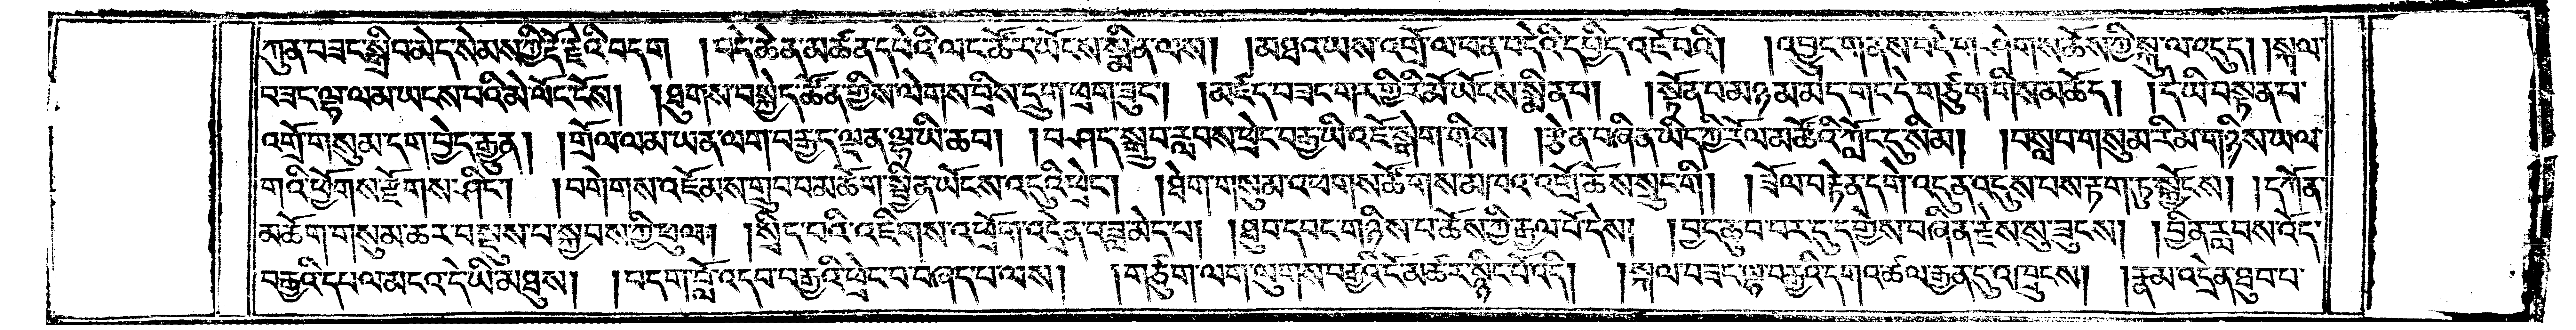ཀུན་བཟང་སྒྲིབ་མེད་སེམས་ཀྱི་རྡོ་རྗེའི་བདག །བདེ་ཆེན་མཚན་དཔེའི་ལང་ཚོར་ཡོངས་སྨིན་ལས། །མཐའ་ཡས་འགྲོ་ལ་ཕན་བདེའི་དཔྱིད་འཇོ་བའི། །འབྱུང་གནས་བདེ་གཤེགས་ཆོས་ཀྱི་སྐུ་ལ་འདུད། །སྐལ་
བཟང་ལྷ་ལམ་ཡངས་པའི་མེ་ལོང་ངོས། །ཐུགས་བསྐྱེད་ཚོན་གྱིས་ལེགས་བྲིས་དྲུག་ཕྲག་ཟུང་། །མཛད་བཟང་གར་གྱི་རི་མོ་ཡོངས་སྨིན་པ། །སྟོན་པ་མཉམ་མེད་གང་དེ་གཙུག་གིས་མཆོད། །དེ་ཡི་བསྟན་པ་
འགྲོ་གསུམ་དག་བྱེད་རྒྱུན། །གྲོལ་ལམ་ཡན་ལག་བརྒྱད་ལྡན་ལྷ་ཡི་ཆབ། །བཤད་སྒྲུབ་རླབས་ཕྲེང་བརྒྱ་ཡི་འཇོ་སྒེག་གིས། །རྩེན་བཞིན་ཡིད་ཀྱི་རོལ་མཚོའི་ཀློང་དུ་སིམ། །བསླབ་གསུམ་རིམ་གཉིས་ཡལ་གའི་ཕྱོགས་རྫོགས་ཤིང་། །བགེགས་འཇོམས་གྲུབ་པ་མཆོག་སྦྱིན་ཡོངས་འདུའི་ཕྲེང་། །ཐེག་གསུམ་འཕགས་ཚོགས་མཁའ་འགྲོ་ཆོས་སྲུང་གི། །ཟོལ་བརྟེན་དགེ་འདུན་འདུས་པས་རྟག་ཏུ་སྐྱོངས། །དཀོན་
མཆོག་གསུམ་ཆར་བསྡུས་པ་སྐྱབས་ཀྱི་ཕུལ། །སྲིད་པའི་འཇིགས་འཕྲོག་འདྲེན་བ་ཟླ་མེད་པ། །ཐུབ་དབང་གཉིས་པ་ཆོས་ཀྱི་རྒྱལ་པོ་དེས། །བྱང་ཆུབ་བར་དུ་དགྱེས་བཞིན་རྗེས་སུ་ཟུངས། །བྱིན་རླབས་འོད་
བརྒྱའི་དཔལ་མངའ་དེ་ཡི་མཐུས། །བདག་བློ་འདབ་བརྒྱའི་ཕྲེང་བ་བཞད་པ་ལས། །གཙུག་ལག་ལུགས་བརྒྱའི་ངོ་མཚར་སྙིང་པོ་འདི། །སྐལ་བཟང་ལྷ་བརྒྱའི་དགའ་ཚལ་རྒྱན་དུ་འཁྲུངས། །རྣམ་འདྲེན་ཐུབ་པ་